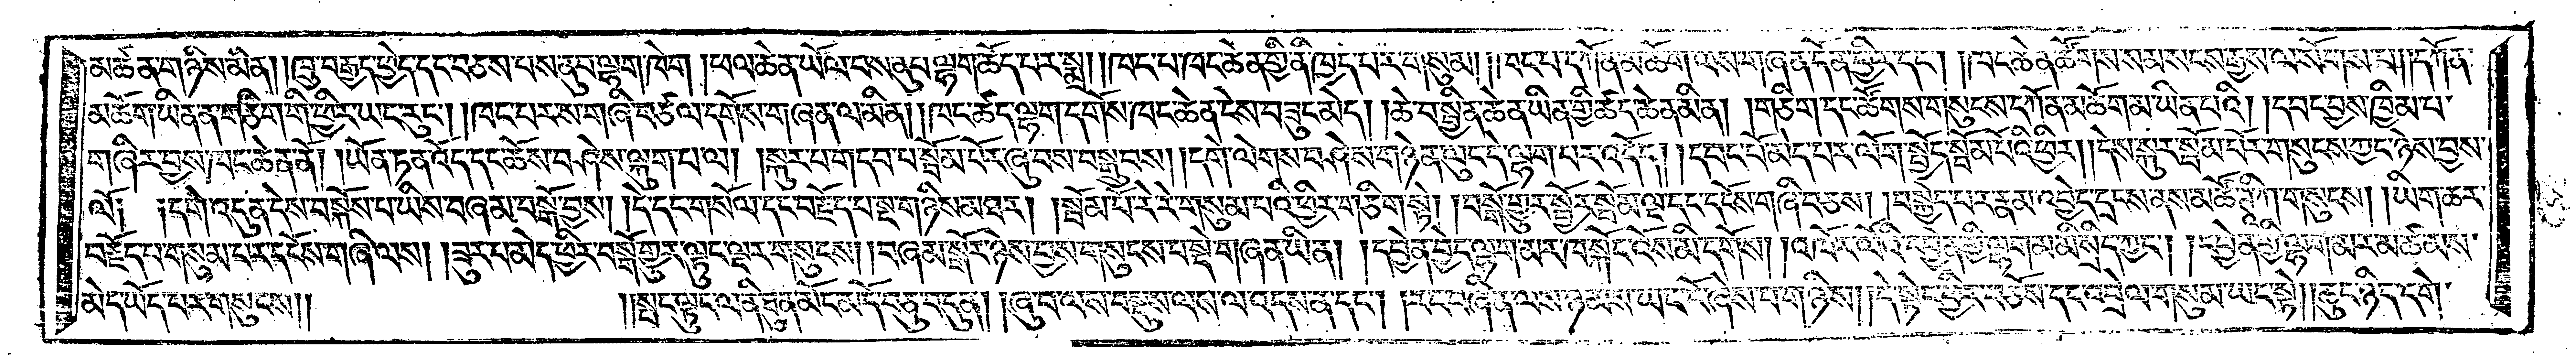མཚན་གཉིས་མིན། །ཁྲུ་བརྒྱད་ཕྱེད་དང་བཅས་པས་ནུབ་ལྷག་ཁེག །ཕལ་ཆེན་ཡོལ་བས་ནུབ་ལྷག་ཆོད་པར་སྨྲ། །ཁང་པ་ཁང་ཆེན་གྱི་ནི་ཁྱད་པར་གསུམ། །ཁང་པ་དཀོན་མཆོག་ལས་གཞན་དོན་ཕྱིར་དང་། །ཁང་ཆེན་ཚོགས་སམ་སངས་རྒྱས་ལ་སོགས་པ། །དཀོན་
མཆོག་ཡིན་ན་གཅིག་གི་ཕྱིར་ཡང་རུང་། །ཁང་པར་ས་གཞི་བཙལ་དགོས་གཞན་ལ་མིན། །ཁང་ཚད་ལྷག་དགོས་ཁང་ཆེན་ངེས་བཟུང་མེད། །ཆེ་བ་སྦྱིན་ཆེན་ཡིན་གྱི་ཚད་ཆེན་མིན། །གཅིག་དང་ཚོགས་གསུངས་དཀོན་མཆོག་མ་ཡིན་པའི། །དབང་བྱས་ཁྱིམ་པ་
གཞིར་བྱས་ཁང་ཆེན་ནོ། །ཡོན་ཏན་འོད་དང་ཆོས་བཤེས་ལྐུག་པ་ལ། །སྐུར་པ་གདབ་པ་སྦོམ་པོར་ཞུ་བས་བསྒྲུབས། །དགེ་ལེགས་བཤེས་གཉེན་ལུང་དེ་ལྷག་པར་འདོད། །དབང་པོ་མེད་པར་ལོག་སྤྱོད་སྦོམ་མོའི་ཕྱིར། །དེས་སྐུར་སྦོམ་པོར་གསུངས་ཀྱང་ཉེས་བྱས་
ལོ༑ ༑དགེ་འདུན་དེས་བསྐོས་པ་ཡིས་བཞམ་བསྒོ་བྱས། །དེ་དང་གསོལ་དང་བརྗོད་པ་སྔ་གཉིས་མཐར། །སྦོམ་པོ་རེ་རེ་གསུམ་པའི་ཕྱིར་གཅིག་སྟེ། །བསྒོ་གྱུར་སྦྱོར་སྦོམ་ལྔ་དང་དངོས་གཞི་བཅས། །བསྐྱེད་པར་རྣམ་འབྱེད་དྲངས་ནས་མཚོ་ཊཱིཀ་གསུངས། །ཡིག་ཆར་
བརྗོད་པ་གསུམ་པར་དངོས་གཞི་ལས། །ཟུར་པ་མེད་ཕྱིར་བསྒོ་གྱུར་ལྟུང་ལྔར་གསུངས། །བཞམ་སྒོར་ཉེས་བྱས་གསུངས་པ་སྡེ་གཞན་ཡིན། །དབྱེན་བྱེད་ལྷག་མར་ཁ་སྐོང་འོས་མི་དགོས། །འཁོར་ལོའི་དབྱེན་གྱི་ལྷག་མ་མི་སྲིད་ཀྱང་། །དབྱེན་གྱི་ལྷག་མར་མཚམས་
མེད་ཡོད་པར་གསུངས།། །།སྤང་ལྟུང་ལ་ནི་ཐུན་མོང་མདོ་བཅུ་བདུན། །ཞུ་བ་ལས་བསྡུས་ལས་ལ་འདས་ན་དང་། །རང་བཞིན་ལས་ཉམས་ཡང་ངོ་ཞེས་པ་གཉིས། །དེ་སྟེང་ཕྱིར་བཅོས་དང་འབྲེལ་གསུམ་ཡང་སྟེ། །ཆུང་ཉིད་དགེ་